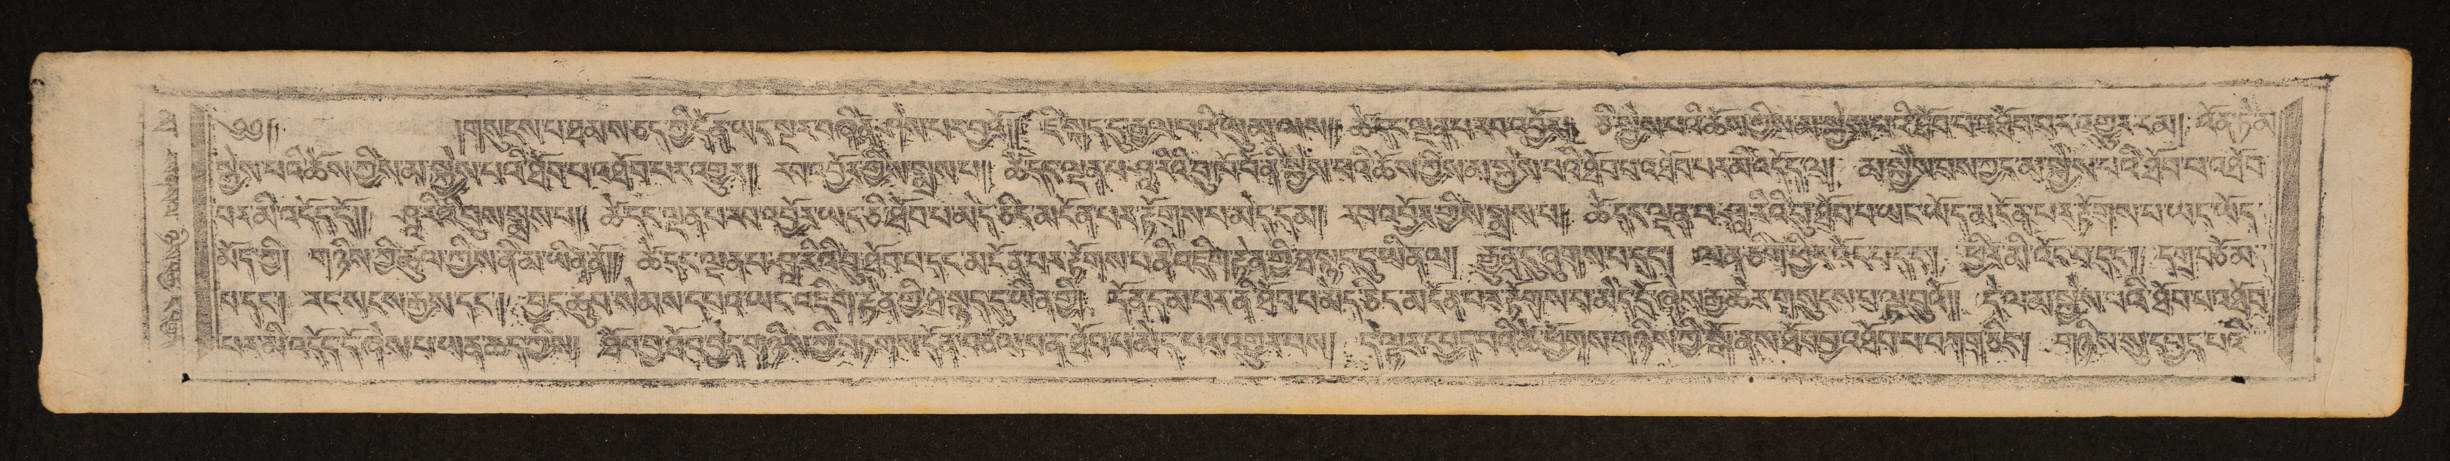༄༅། །གསུངས་པ་ཐམས་ཅད་ཀྱི་དོན་ཡང་སྔར་བཞིན་ཤེས་པར་བྱའོ།། ཇི་སྐད་དུ་རྒྱལ་པའི་ཡུམ་ལས། ཚེ་དང་ལྡན་པ་རབ་འབྱོར། ཅི་སྐྱེས་པའི་ཆོས་ཀྱིས་མ་སྐྱེས་པའི་ཐོབ་པ་འཐོབ་པར་འགྱུར་མ། འོན་ཏེ་མ་
སྐྱེས་པའི་ཆོས་ཀྱིས་མ་སྐྱེས་པའི་ཐོབ་པ་འཐོབ་པར་འགྱུར། རབ་འབྱོར་གྱིས་སྨྲས་པ། ཚེ་དང་ལྡན་པ་ཤཱ་རིའི་བུ་ཁོ་བོ་ནི་སྐྱེས་པའི་ཆོས་ཀྱིས་མ་སྐྱེས་པའི་ཐོབ་པ་འཐོབ་པར་མི་འདོད་ལ། མ་སྐྱེས་པས་ཀྱང་མ་སྐྱེས་པའི་ཐོབ་པ་འཐོབ་
པར་མི་འདོད་དོ།། ཤཱ་རིའི་བུས་སྨྲས་པ། ཚེ་དང་ལྡན་པ་རབ་འབྱོར་ཡང་ཅི་ཐོབ་པ་མེད་ཅིང་མངོན་པར་རྟོགས་པ་མེད་དམ། རབ་འབྱོར་གྱིས་སྨྲས་པ། ཚེ་དང་ལྡན་པ་ཤཱ་རིའི་བུ་ཐོབ་པ་ཡང་ཡོད་མངོན་པར་རྟོགས་པ་ཡང་ཡོད་
མོད་ཀྱི། གཉིས་ཀྱི་ཚུལ་གྱིས་ནི་མ་ཡིན་ནོ།། ཚེ་དང་ལྡན་པ་ཤཱ་རིའི་བུ་ཐོབ་པ་དང་མངོན་པར་རྟོགས་པ་ནི་འཇིག་རྟེན་གྱི་ཐ་སྙད་དུ་ཡིན་ལ། རྒྱུན་དུ་ཞུགས་པ་དང་། ལན་ཅིག་ཕྱིར་འོང་བ་དང་། ཕྱིར་མི་འོང་བ་དང་། དགྲ་བཅོམ་
པ་དང་། རང་སངས་རྒྱས་དང་། བྱང་ཆུབ་སེམས་དཔའ་ཡང་འཇིག་རྟེན་གྱི་ཐ་སྙད་དུ་ཡིན་གྱི། དོན་དམ་པར་ནི་ཐོབ་པ་མེད་ཅིང་མངོན་པར་རྟོགས་པ་མེད་དོ་ཞེས་རྒྱ་ཆེར་གསུངས་པ་ལྟ་བུའོ།། དེ་ལ་མ་སྐྱེས་པའི་ཐོབ་པ་འཐོབ་
པར་མི་འདོད་དོ་ཞེས་པ་ཡན་ཆད་ཀྱིས། ཐོབ་བྱ་ཐོབ་བྱེད་གཉིས་ཀྱི་བཏགས་དོན་བཙལ་བ་ན་ཐོབ་པ་མེད་པར་འགྱུར་བས། དེ་ལྟར་དཔྱད་པའི་ཚེ་ཕྱོགས་གཉིས་ཀྱི་སྒོ་ནས་ཐོབ་བྱ་འཐོབ་པ་བཀག་ཅིང་། གཉིས་སུ་དཔྱད་པའི་